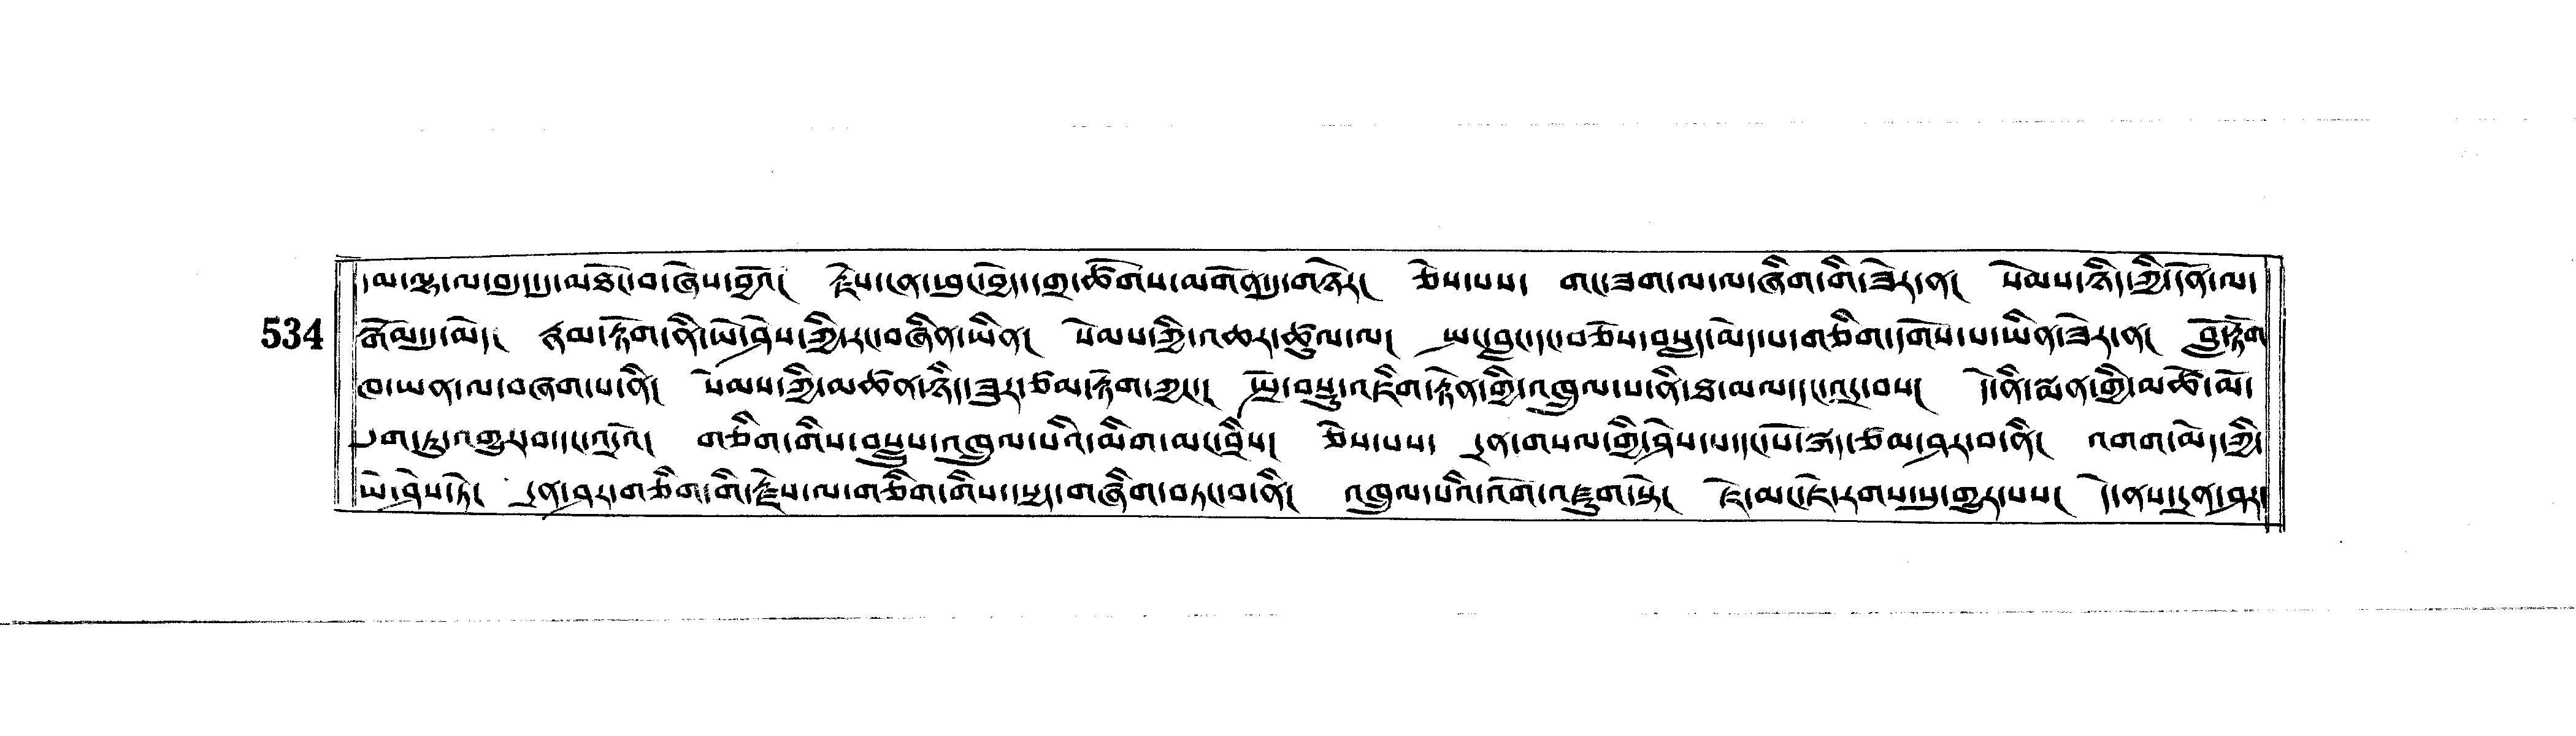དམ་ལྷ་ལ་བདུད་དུ་མཐོང་བ་ཞེས་བྱའོ། རྗེས་ངན་ཕུང་བྱེད་དགྲ་ཚོགས་མགོན་དུ་གཉེར། ཅེས་པས། གང་ཟག་ལ་ལ་ཞིག་གིས་ཟེར་ན། སེམས་ཉིད་ཀྱི་དོན་ལ་
སྒོམ་དུ་མེད། རྣམ་རྟོག་ནི་ཡེ་ཤེས་ཀྱི་རང་བཞིན་ཡིན། སེམས་ཀྱི་འཆར་ཚུལ་ལ། སྤང་བླང་དང་བཅོས་སླད་མེད་པ་ཞིག་དགོས་པ་ཡིན་ཟེར་ན། བློ་རྟོག་
ཁ་ཡན་ལ་བཞག་པ་ནི། སེམས་ཀྱི་མཚན་ཉིད་ཟུར་ཙམ་རྟོགས་ཀྱང་། སྤྲོ་བསྡུ་འཇིག་རྟེན་གྱི་འཁྲུལ་པ་ནི་ཐ་མལ་དང་འདྲ་བས། དེ་ནི་སྨན་གྱི་མཚོ་མོ་
དུག་ཏུ་འགྱུར་བ་དང་འདྲའོ། གཅིག་གིས་བསླུས་འཁྲུལ་པའི་མིག་མང་བྲིས། ཅེས་པས། དྲན་གསལ་གྱི་ཤེས་པ་དང་པོ་སྐད་ཙམ་ཤར་བ་ནི། འགག་མེད་ཀྱི་
ཡེ་ཤེས་ཏེ། དྲན་ཤར་གཅིག་གི་རྗེས་ལ་གཅིག་གིས་དཔྱད་གཞིག་བཏང་བ་ནི། འཁྲུལ་པའི་འགོ་འཛུགས་ཏེ། ཇེ་མང་ཇེ་རག་ཏུ་གྱུར་པས། དེ་ནས་དྲན་ཤར་